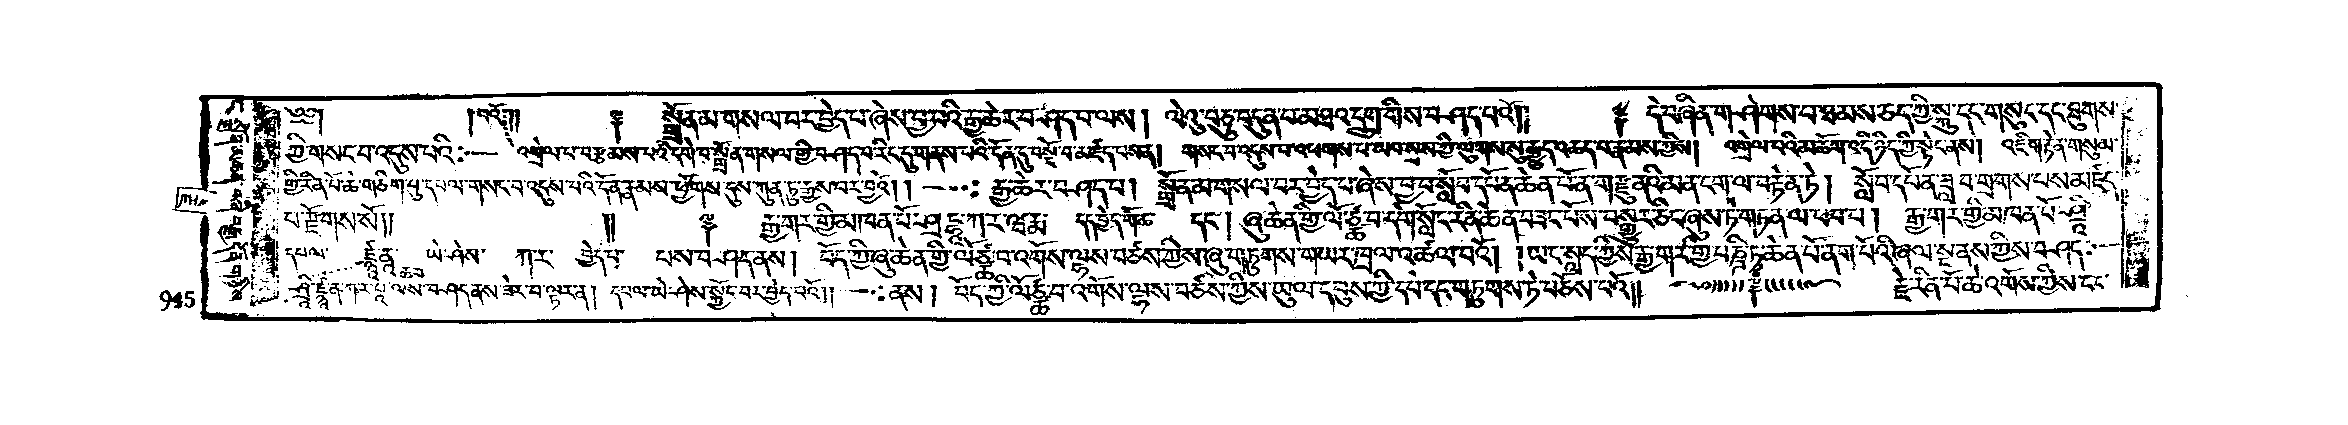༄༅། །བའོ།། ༈ སྒྲོན་མ་གསལ་བར་བྱེད་པ་ཞེས་བྱ་བའི་རྒྱ་ཆེར་བཤད་པ་ལས། ལེའུ་བཅུ་བདུན་པ་མཐའ་དྲུག་གིས་བཤད་པའོ།། ༈ དེ་བཞིན་གཤེགས་པ་ཐམས་ཅད་ཀྱི་སྐུ་དང་གསུང་དང་ཐུགས་
གྱི་གསང་བ་འདུས་པའིཿ་འགྲེལ་པ་བརྩམས་པའི་དགེ་བ་སྒྲོན་གསལ་གྱི་བཤད་པ་རིང་དུ་གནས་པའི་དོན་དུ་བསྔོ་བ་མཛད་པས་ན། གསང་བ་འདུས་པ་འཕགས་པ་ཡབ་སྲས་ཀྱི་ལུགས་སུ་རྒྱུད་འཆད་པ་རྣམས་ཀྱིས། འགྲེལ་པའི་མཆོག་འདི་ཉིད་ཀྱི་སྟེང་ནས། འཇིག་རྟེན་གསུམ་
གྱི་རིན་པོ་ཆེ་གཅིག་པུ་དཔལ་གསང་བ་འདུས་པའི་དོན་རྣམས་ཕྱོགས་དུས་ཀུན་ཏུ་རྒྱས་པར་བྱའོ།། .H རྒྱ་ཆེར་བཤད་པ། སྒྲོན་མ་གསལ་བར་བྱེད་པ་ཞེས་བྱ་བ་སློབ་དཔོན་ཆེན་པོ་ན་གྲྫུ་ནའི་མན་ངག་ལ་བརྟེན་ཏེ། སློབ་དཔོན་ཟླ་བ་གྲགས་པས་མཛད་
པ་རྫོགས་སོ།། །། ༈ རྒྱ་གར་གྱི་མཁན་པོ་ཤྲདྷཱ་ཀར་ཝ་རྨ་དད་བྱེད་གོ་ཆ་དང་། ཞུ་ཆེན་གྱི་ལོ་ཙྪ་བ་དགེ་སློང་རིན་ཆེན་བཟང་པོས་བསྒྱུར་ཅིང་ཞུས་ཏེ་གཏན་ལ་ཕབ་པ། རྒྱ་གར་གྱི་མཁས་པོ་ཤྲཱི་
དཔལ་ཛྙཱ་ནཱ་ཆག་ཡེ་ཤེས་ཀ་ར་བྱེད་པ་པས་བཤད་ནས། བོད་ཀྱི་ཞུ་ཆེན་གྱི་ལེཙྪ་བ་འགོས་ལྷས་བཙས་ཀྱིས་ཞུ་གཏུགས་གཡར་ཁྲལ་འཚལ་བའོ། །ཡང་སླད་ཀྱིས་རྒྱ་གར་གྱི་པཎྜི་ཏ་ཆེན་པོ་ནག་པོའི་ཞལ་སྔ་ནས་ཀྱིས་བཤདཿ
ཤྲཱི་ཛྙཱ་ན་ཀ་ར་པཱ་ཆག་ལས་བཤད་ནས་ཟེར་བ་ལྟར་ན། དཔལ་ཡེ་ཤེས་སྐྱོང་བར་བྱེད་པའོ།།  .H ནས། བོད་ཀྱི་ལེཙྪ་བ་འགོས་ལྷས་བཙས་ཀྱིས་ཡུལ་དབུས་ཀྱི་དཔེ་དང་གཏུགས་ཏེ་བཅོས་པའོ།། ༈ རྗེ་རིན་པོ་ཆེ་འགོས་ཀྱིས་དང་